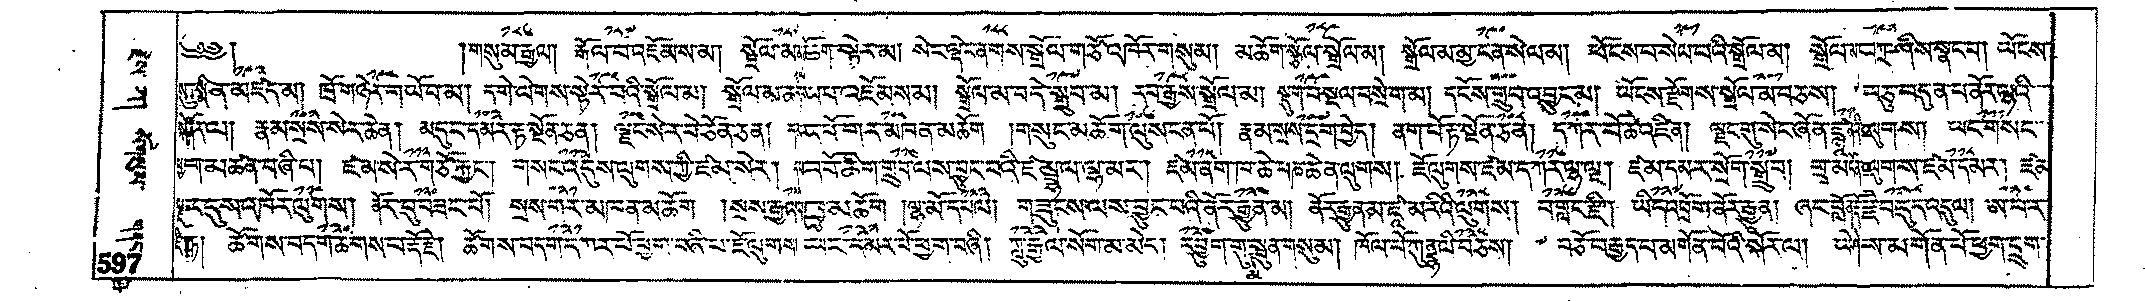༄༅། །གསུམ་རྒྱལ། རྒོལ་བ་འཇོམས་མ། སྒྲོལ་མ་མཆོག་སྟེར་མ། སེང་ལྡེང་ནགས་སྒྲོལ་གཙོ་འཁོར་གསུམ། མཆོག་སྩོལ་སྒྲོལ་མ། སྒྲོལ་མ་མྱ་ངན་སེལ་མ། ཕོངས་པ་སེལ་བའི་སྒྲོལ་མ། སྒྲོལ་མ་བཀྲ་ཤིས་སྣང་བ། ཡོངས་
སུ་སྨིན་མཛད་མ། ཁྲོ་གཉེར་གཡོ་བ་མ། དགེ་ལེགས་སྟེར་བའི་སྒྲོལ་མ། སྒྲོལ་མ་ཆགས་པ་འཇོམས་མ། སྒྲོལ་མ་བདེ་སྒྲུབ་མ། རབ་རྒྱས་སྒྲོལ་མ། སྡུག་བསྔལ་བསྲེག་མ། དངོས་གྲུབ་འབྱུང་མ། ཡོངས་རྫོགས་སྒྲོལ་མ་བཅས། ༧་བཅུ་བདུན་པ་ནོར་ལྷའི་
སྐོར་ལ། རྣམ་སྲས་སེར་ཆེན། མདུང་དམར་རྟ་སྔོན་ཅན། ལྗང་སེར་བེ་ཅོན་ཅན། དམར་པོ་གར་མཁན་མཆོག །གསུང་མཆོག་ལུས་ངན་པོ། རྣམ་སྲས་དྲག་བྱེད། ནག་པོ་རྟ་སྔོན་ཅན། དཀར་པོ་ཚེ་འཛིན། ལྗང་གུ་སེང་ཞོན་ཛྙཱ་ནའི་ལུགས། ཡང་གསང་
ཕྱག་མཚན་བཞི་པ། ཛམ་སེར་གཙོ་རྐྱང་། གསང་འདུས་ལུགས་ཀྱི་ཛམ་སེར། དཔའ་བོ་ཚིག་གྲུབ་ལས་བྱུང་བའི་ཛ་མྦྷ་ལ་ལྷ་མང་། ཛམ་ནག་ཁ་ཆེ་པཎ་ཆེན་ལུགས། ཇོ་ལུགས་ཛམ་དཀར་ལྷ་ལྔ། ཛམ་དམར་སྲོག་སྒྲུབ། གྲྭ་མངོན་ལུགས་ཛམ་དམར། ཛམ་
ལྗང་དུས་འཁོར་ལུགས། ནོར་བུ་བཟང་པོ། སྲས་གར་མཁན་མཆོག །སྲས་རྒྱལ་བ་ཁྱུ་མཆོག །ལྷ་མོ་དཔལ། གཟུངས་ལས་བྱུང་བའི་ནོར་རྒྱུན་མ། ནོར་རྒྱུན་མ་ཛཱ་མ་རིའི་ལུགས། བ་གླང་རྫི། ཡིད་འཕྲོག་ནོར་རྒྱུན། ཞང་བློན་རྡོ་རྗེ་བདུད་འདུལ། ཨ་པ་ར་
ཛི་ཏ། ཚོགས་བདག་ཆགས་པ་རྡོ་རྗེ། ཚོགས་བདག་དཀར་པོ་ཕྱག་བཞི་པ་ཇོ་ལུགས། ཡང་དམར་པོ་ཕྱག་བཞི། ཀླུ་རྒྱལ་སོགས་མ་མེད། དབྱུག་གུ་མ་སྤུན་གསུམ། ཁོལ་པོ་ཀུནྡྷ་ལི་བཅས། ༧་བཅོ་བརྒྱད་པ་མགོན་པོའི་སྐོར་ལ། ཡེ་ཤེས་མགོན་པོ་ཕྱག་དྲུག་